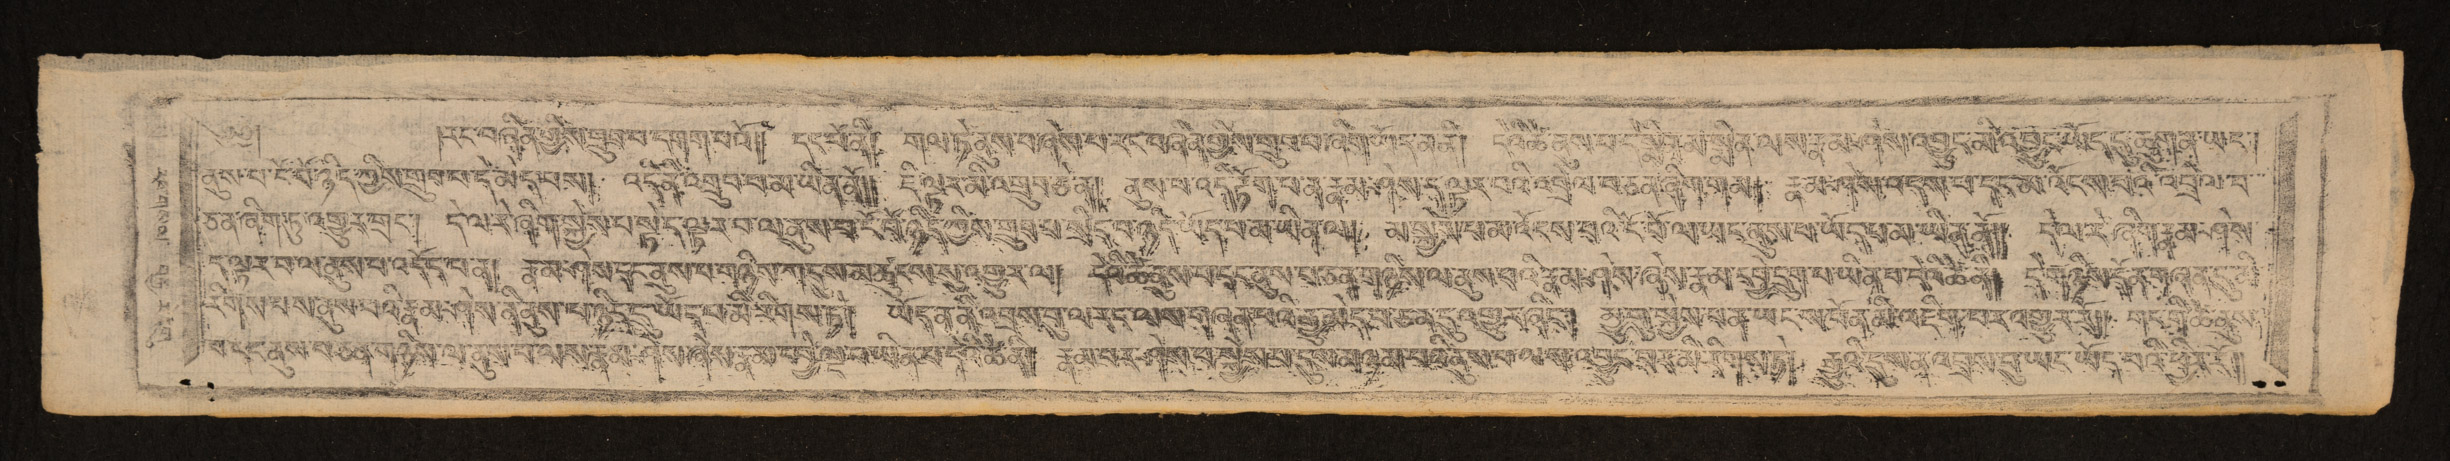༄༅། །རང་བཞིན་གྱིས་གྲུབ་པ་དགག་པའོ།། དང་པོ་ནི། གལ་ཏེ་ནུས་པ་ཞེས་པ་རང་བཞིན་གྱིས་གྲུབ་པ་ཞིག་ཡོད་ན་ནི། དེའི་ཚེ་ནུས་པ་དེ་སྨིན་མ་སྨིན་ལས་རྣམ་ཤེས་འབྱུང་མི་འབྱུང་ཡོད་དུ་ཆུག་ན་ཡང་།
ནུས་པ་ངོ་བོ་ཉིད་ཀྱིས་གྲུབ་པ་དེ་མེད་པས། འདི་ནི་འགྲུབ་པ་མ་ཡིན་ནོ།། ཇི་ལྟར་མི་འགྲུབ་ཅེ་ན། ནུས་པ་འདི་རྟོག་པ་ན་རྣམ་ཤེས་ད་ལྟར་བའི་འབྲེལ་པ་ཅན་ཞིག་གམ། རྣམ་ཤེས་འདས་པ་དང་མ་འོངས་བའི་འབྲེལ་བ་
ཅན་ཞིག་ཏུ་འགྱུར་གྲང་། དེ་ལ་རེ་ཞིག་སྐྱེས་པ་སྟེ་ད་ལྟར་བ་ལ་ནུས་པ་ངོ་བོ་ཉིད་ཀྱིས་གྲུབ་པ་སྲིད་པ་ཉིད་ཡོད་པ་མ་ཡིན་ལ། མ་སྐྱེས་པ་མ་འོངས་པའི་ངོ་བོ་ལ་ཡང་ནུས་པ་ཡོད་པ་མ་ཡིན་ནོ།། དེ་ལ་རེ་ཞིག་རྣམ་ཤེས་
ད་ལྟར་བ་ལ་ནུས་པ་འདོད་པ་ན། རྣམ་ཤེས་དང་ནུས་པ་གཉིས་ཀ་དུས་མཚུངས་སུ་འགྱུར་ལ། དེའི་ཚེ་ནུས་པ་དང་ནུས་པ་ཅན་གཉིས་ལ་ནུས་པའི་རྣམ་ཤེས་ཞེས་རྣམ་དབྱེ་དྲུག་པ་ཡིན་པ་དེའི་ཚེ། དེ་གཉིས་དོན་གཞན་དུ་མི་
རིགས་པས་ནུས་པའི་རྣམ་ཤེས་ནི་ནུས་པ་ཉིད་དུ་ཡོད་པ་མི་རིགས་ཏེ། ཡོད་ན་ནི་འབྲས་བུ་ལ་རང་ལས་གཞན་པའི་རྒྱུ་མེད་པ་ཅན་དུ་འགྱུར་ཞིང་། མྱུ་གུ་སྐྱེས་པ་ན་ཡང་ས་བོན་མི་འཇིག་པར་འགྱུར་རོ།། གང་གི་ཚེ་ནུས་
པ་དང་ནུས་པ་ཅན་གཉིས་ལ་ནུས་པ་ལས་རྣམ་ཤེས་ཞེས་རྣམ་དབྱེ་ལྔ་པ་ཡིན་པ་དེའི་ཚེ་ནི། རྣམ་པར་ཤེས་པ་སྐྱེས་པ་དུས་མཉམ་པའི་ནུས་པ་ལས་འབྱུང་བར་མི་རིགས་ཏེ། རྒྱུའི་དུས་ན་འབྲས་བུ་ཡང་ཡོད་པའི་ཕྱིར་རོ།།